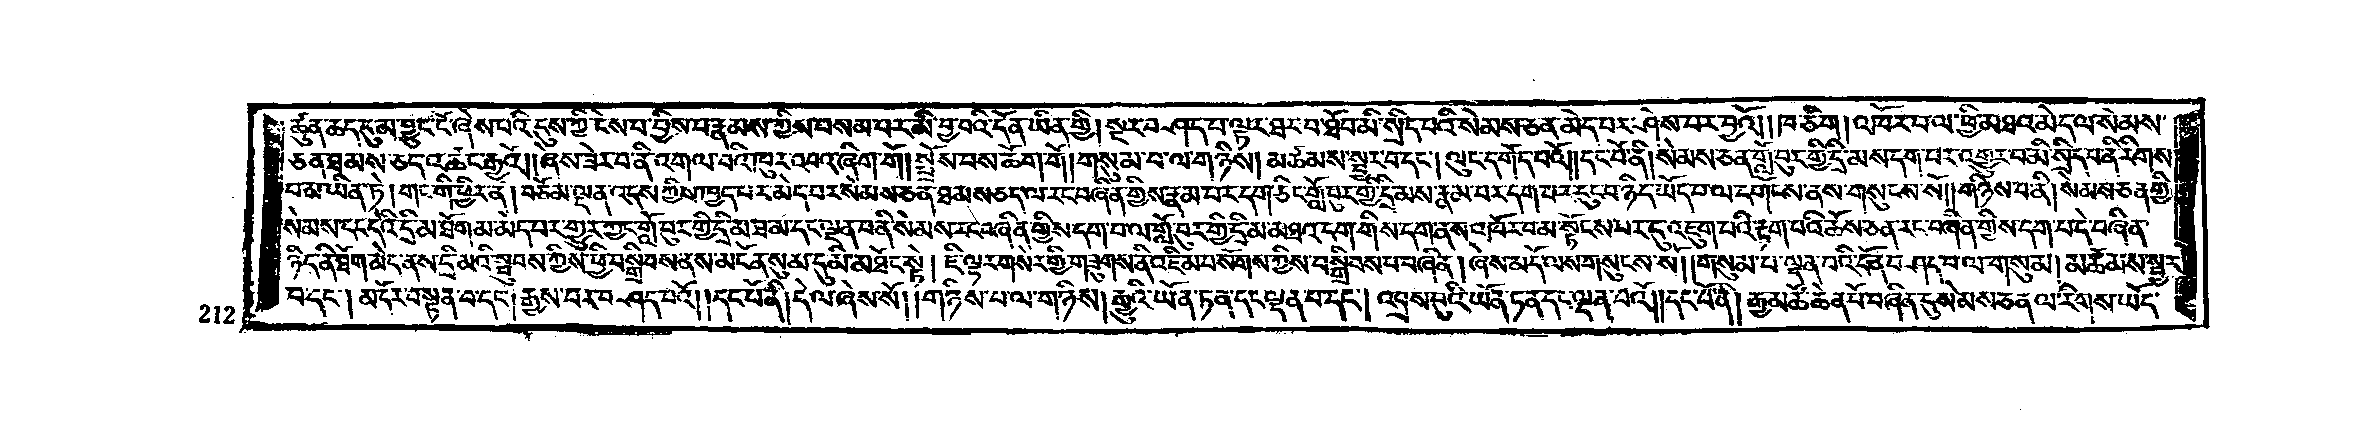ཚུན་ཆད་དུ་མ་བྱུང་ངོ་ཞེས་པའི་དུས་ཀྱི་ངེས་པ་བྱིས་པ་རྣམས་ཀྱིས་བསམ་པར་མི་བྱ་བའི་དོན་ཡིན་གྱི་།སྔར་བཤད་པ་ལྟར་ཐར་པ་ཐོབ་མི་སྲིད་པའི་སེམས་ཅན་མེད་པར་ཤེས་པར་བྱའོ། །ཁ་ཅིག །འཁོར་བ་ལ་ཕྱི་མཐའ་མེད་ལ་སེམས་
ཅན་ཐམས་ཅད་འཚང་རྒྱའོ། །ཞེས་ཟེར་བ་ནི་འགལ་བའི་ཁུར་འབའ་ཞིག་གོ །སྤྲོས་པས་ཆོག་གོ །གསུམ་པ་ལ་གཉིས། མཚམས་སྦྱར་བ་དང་། ལུང་དགོད་པའོ། །དང་པོ་ནི། སེམས་ཅན་གློ་བུར་གྱི་དྲི་མས་དག་པར་འགྱུར་བ་མི་སྲིད་པ་ནི་རིགས་
པ་མ་ཡིན་ཏེ། གང་གི་ཕྱིར་ན། བཅོམ་ལྡན་འདས་ཀྱིས་ཁྱད་པར་མེད་པར་སེམས་ཅན་ཐམས་ཅད་ལ་རང་བཞིན་གྱིས་རྣམ་པར་དག་ཅིང་གློ་བུར་གྱི་དྲི་མས་རྣམ་པར་དག་པར་རུང་བ་ཉིད་ཡོད་པ་ལ་དགོངས་ནས་གསུངས་སོ། །གཉིས་པ་ནི། སེམས་ཅན་གྱི་
སེམས་དང་དེའི་དྲི་མ་ཐོག་མ་མེད་པར་གྱུར་ཀྱང་གློ་བུར་གྱི་དྲི་མ་ཐ་མ་དང་ལྡན་པ་ནི་སེམས་རང་བཞིན་གྱིས་དག་པ་ལ་གློ་བུར་གྱི་དྲི་མ་མཐའ་དག་གིས་དག་ནས་འཁོར་བ་མ་སྟོངས་པར་དུ་འཇུག་པའི་རྟག་པའི་ཆོས་ཅན་རང་བཞིན་གྱིས་དག་པ་དེ་བཞིན་
ཉིད་ནི་ཐོག་མེད་ནས་དྲི་མའི་སྦུབས་ཀྱིས་ཕྱི་བསྒྲིབས་ནས་མངོན་སུམ་དུ་མི་མཐོང་སྟེ། ཇི་ལྟར་གསེར་གྱི་གཟུགས་ནི་འཇིམ་པ་སོགས་ཀྱིས་བསྒྲིབས་པ་བཞིན། ཞེས་མདོ་ལས་གསུངས་སོ། །གསུམ་པ་ལྡན་པའི་དོན་བཤད་པ་ལ་གསུམ། མཚམས་སྦྱར་
བ་དང་། མདོར་བསྟན་པ་དང་། རྒྱས་པར་བཤད་པའོ། །དང་པོ་ནི། དེ་ལ་ཞེས་སོ། །གཉིས་པ་ལ་གཉིས། རྒྱུའི་ཡོན་ཏན་དང་ལྡན་པ་དང་། འབྲས་བུའི་ཡོན་ཏན་དང་ལྡན་པའོ། །དང་པོ་ནི། རྒྱ་མཚོ་ཆེན་པོ་བཞིན་དུ་སེམས་ཅན་ལ་རིགས་ཡོད་